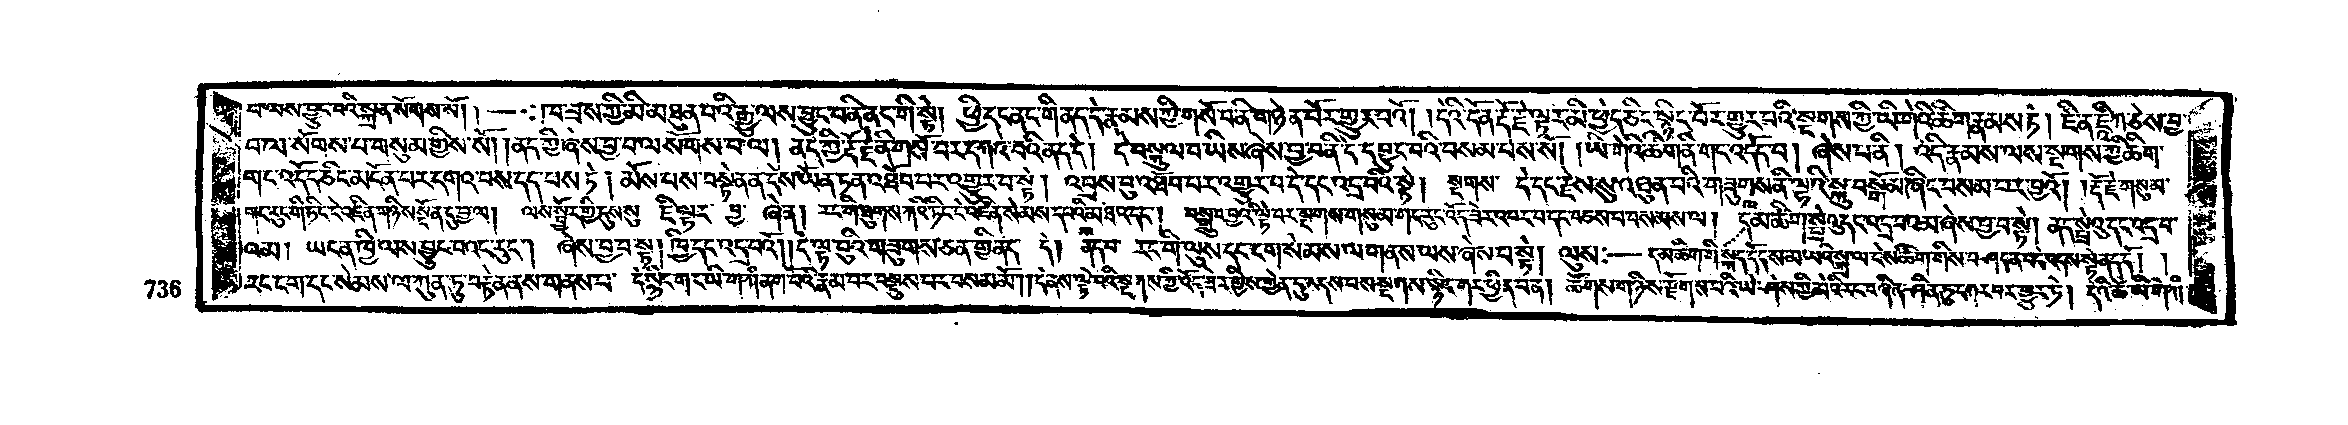པ་ལས་བྱུང་བའི་སྐྲན་སོགས་སོ། ། .Hཁ་ཟས་ཀྱི་མི་མཐུན་པའི་རྒྱུ་ལས་བྱུང་བ་ནི་ནང་གི་སྟེ། ཕྱི་དང་ནང་གི་ནད་དེ་རྣམས་ཀྱི་གསོ་བ་ནི་གཉེན་པོར་གྱུར་པའོ། །དེའི་དོན་རྡོ་རྗེ་ལྟར་མི་ཕྱེད་ཅིང་སྙིང་པོར་གྱུར་པའི་སྔགས་ཀྱི་ཡི་གེའི་ཚིག་རྣམས་ཏེ། ཛི་ན་ཇཱི་ཀ་ཅེས་བྱ་
བ་ལ་སོགས་པ་གསུམ་གྱིས་སོ། །ནད་ཀྱི་ཞེས་བྱ་བ་ལ་སོགས་པ་ལ། ནད་ཀྱི་རྡོ་རྗེ་ནི་གསོ་བར་དཀའ་བའི་ནད་དེ། དེ་བསྐུལ་བ་ཡིས་ཞེས་བྱ་བ་ནི་དེ་དབྱུང་བའི་བསམ་པས་སོ། །ཡི་གེའི་ཚིག་ནི་
གང་འདོད་པ། ཞེས་པ་ནི། འདི་རྣམས་ལས་སྔགས་ཀྱི་ཚིག་གང་འདོད་ཅིང་མངོན་པར་དགའ་བས་དད་པས་ཏེ། མོས་པས་བསྟེན་ན་དེས་ཡོན་ཏན་འཐོབ་པར་འགྱུར་བ་སྟེ། འབྲས་བུ་འཐོབ་པར་འགྱུར་བ་དེ་དང་འདྲ་བའི་སྟེ། སྔགས་དེ་དང་རྗེས་སུ་འཐུན་པའི་གཟུགས་ནི་ལྷའི་སྐུ་བསྒོམ་ཞིང་བསམ་པར་བྱའོ། །རྡོ་རྗེ་གསུམ་
གང་རུང་གི་ཏིང་ངེ་འཛིན་གཉིས་སྔོན་དུ་བྱ་ལ། ལས་སྦྱོར་གྱི་དུས་སུ་ཇི་ལྟར་བྱ་ཞེ་ན། རང་གི་ཐུགས་ཀའི་ཏིང་ངེ་འཛིན་སེམས་དཔའི་མཐའ་དང་། བསྒྲུབ་བྱའི་ལྟེ་བར་སྔགས་གསུམ་གང་རུང་འོད་ཟེར་འབར་བ་དང་བཅས་པ་བསམས་ལ། ཁ྄་དམ་ཚིག་སྤྲེའུ་དང་འདྲ་བའམ་ཞེས་བྱ་བ་སྟེ། ནད་སྤྲེའུ་དང་འདྲ་བ་
འམ། ཡང་ན་ཁྱི་ལས་བྱུང་བའང་རུང་། ཞེས་བྱ་བ་སྟེ། ཁྱི་དང་འདྲ་བའོ། །དེ་ལྟ་བུའི་གཟུགས་ཅན་གྱི་ནད་དེ། ཀ྄་ནད་པ་རང་གི་ལུས་དང་ངག་སེམས་ལ་གནས་ལས་ཞེས་པ་སྟེ། ལུས་H.་དམ་ཚིག་གི་སྐད་དོད་ས་མ་ཡའི་སྒྲ་ལ་ངེས་ཚིག་གིས་བཤད་ན་བདེ་འདས་སྟེ་ནད་དོ། །
དང་ངག་དང་སེམས་ལ་ཀུན་ཏུ་བརྟེན་ནས་གནས་པ་དེ་སྙིང་གར་ཡི་ག་ཀཾ་ནག་པོའི་རྣམ་པར་བསྡུས་པར་བསམ་མོ། །དེ་ནས་ལྟ་བའི་སྔགས་ཀྱི་འོད་ཟེར་གྱིས་གྱེན་དུ་བདས་པས་སྔགས་སྙིང་གར་ཕྱིན་པ་ན། ཚོགས་གཉིས་རྫོགས་པའི་ཡེ་ཤེས་ཀྱི་མེའི་རང་བཞིན་ཤིན་ཏུ་དཀར་བར་གྱུར་ཏེ། དེའི་ཚེ་ཡི་གེ་ཀཾ་